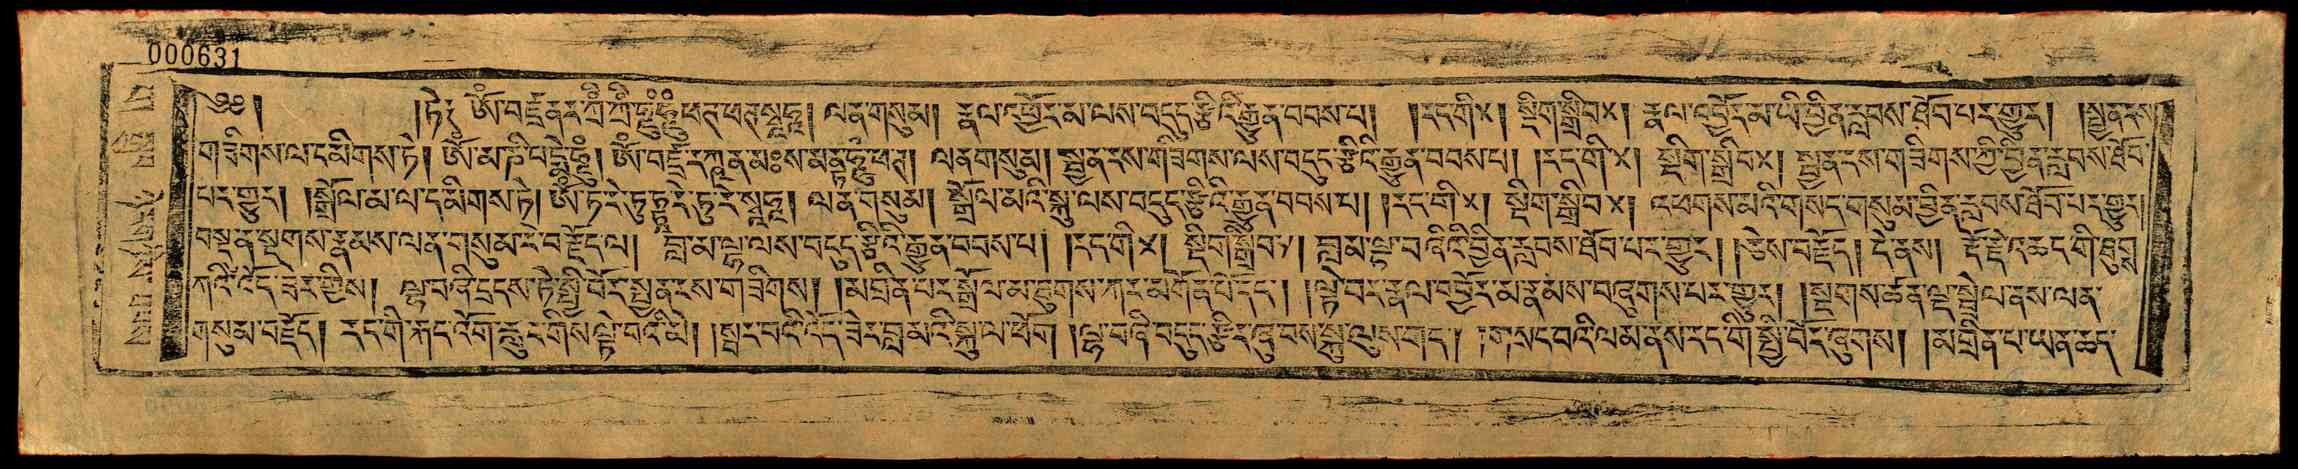༄༅། །ཏེ༑ ཨོཾ་བཛྲ་ན་ར་ཀྲིཾ་ཀྲིཾ་ཧཱུཾ་ཧཱུཾ། ཕཊ་ཕཊ་སྭཱ་ཧཱ། ལན་གསུམ། རྣལ་འབྱོར་མ་ལས་བདུད་རྩིའི་རྒྱུན་བབས་པ། །རང་གི་྾། སྡིག་སྒྲིབ་྾། རྣལ་འབྱོར་མ་ཡི་བྱིན་རླབ་ཐོབ་པར་གྱུར། །སྤྱན་རས་
གཟིགས་ལ་དམིགས་ཏེ། ཨོཾ་མ་ཎི་པདམེ་ཧཱུཾ། ཨོཾ་བཛྲ་རཀྵ་ན་མ་H ས་མནྟ་ཧཱུཾ་ཕཏ། ལན་གསུམ། སྤྱན་རས་གཟིགས་ལས་བདུད་རྩིའི་རྒྱུན་བབས་པ། །རང་གི་྾། སྡིག་སྒྲིབ་྾། སྤྱན་རས་གཟིགས་ཀྱི་བྱིན་རླབས་ཐོབ་
པར་གྱུར། །སྒྲོལ་མ་ལ་དམིགས་ཏེ། ཨོཾ་ཏ་རེ་ཏུ་ཏྟ་རེ་ཏུ་རེ་སྭཱ་ཧཱ། ལན་གསུམ། སྒྲོལ་མའི་སྐུ་ལས་བདུད་རྩིའི་རྒྱུན་བབས་པ། །རང་གི་྾། སྡིག་སྒྲིབ་྾། འཕགས་མའི་གསང་གསུམ་བྱིན་རླབས་ཐོབ་པར་གྱུར།
བསྡུ་ན་བསྔགས་རྣམས་ལན་གསུམ་རེ་བརྗོད་ལ། བླ་མ་ལྷ་ལས་བདུད་རྩེའི་རྒྱུན་བབས་ལ། །རང་གི་྾། སྡིག་སྒྲིབ་྾། བླ་མ་ལྷ་བཞིའི་བྱིན་རླབས་ཐོབ་པར་གྱུར། །ཅེས་བརྗོད། དེ་ནས། རྡོ་རྗེ་འཆང་གི་ཐུགས་
ཀའི་འོད་ཟེར་གྱིས། །ལྷ་བཞི་དྲངས་ཏེ་སྤྱི་བོར་སྤྱན་རས་གཟིགས། །མགྲིན་པར་སྒྲོལ་མ་ཐུགས་ཀར་མགོན་པོ་དང་། །ལྟེ་བར་རྣལ་འབྱོར་པ་རྣམས་བཞུགས་པར་གྱུར། །སྔགས་ཆེན་ལྔ་སྦྲེལ་ནས་ལན་
གསུམ་བརྗོད། རང་གི་རྐང་འོག་རླུང་གིས་ལྟེའམ་མེ། །སྦར་བའི་འོད་ཟེར་བླ་མའི་སྐུ་ལ་ཕོག །ལྷ་བཞི་བདུད་རྩིར་ཞུ་བས་སྐུ་ལུས་གང་། །གསང་བའི་ལམ་ནས་རང་གི་སྤྱི་བོར་ཞུགས། །མགྲིན་པ་ཡན་ཆད་